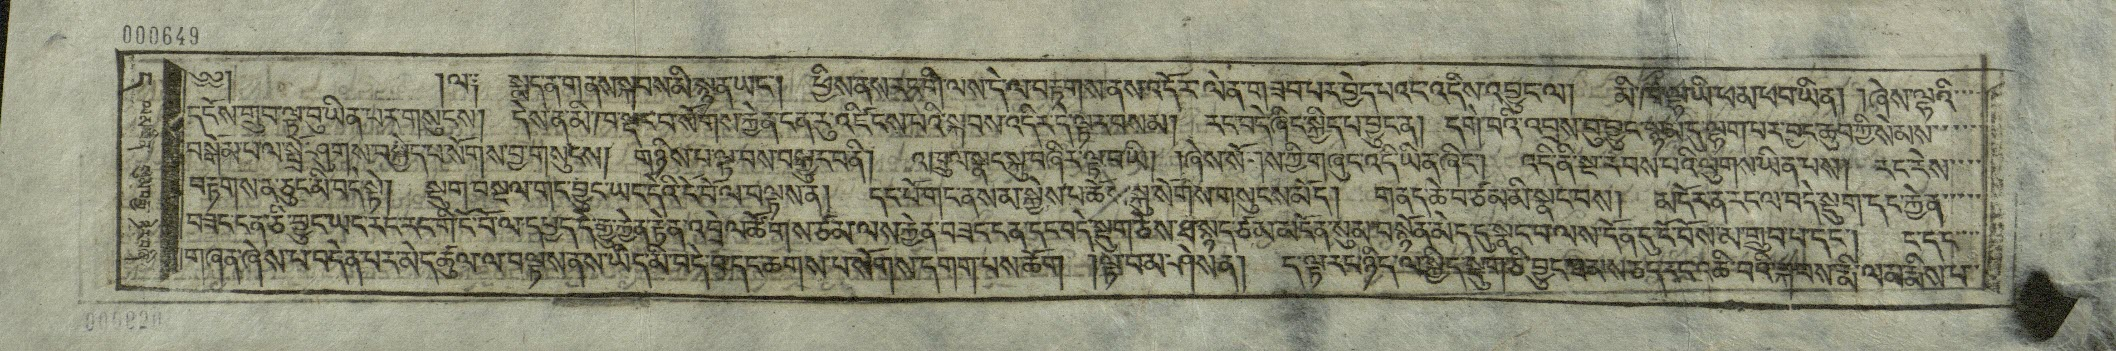༄༅། །ལ༑ སྨད་ན་གནས་སྐབས་མི་སྙན་ཡང་། ཕྱིས་ནས་རང་གི་ལས་དེ་ལ་བརྟགས་ནས་འདོར་ལེན་གཟབ་པར་བྱེད་པའང་འདིས་འབྱུང་ལ། མི་ཁ་ལྷ་ཡི་ཕམ་ཕབ་ཡིན། །ཞེས་ལྷའི་
དངོས་གྲུབ་ལྟ་བུ་ཡིན་པར་གསུངས། དེས་ན་མི་ཁ་སྡང་བ་སོགས་རྐྱེན་ངན་རུ་འཛིངས་པའི་སྐབས་འདིར་དེ་ལྟར་བསམ། རང་བདེ་ཞིང་སྐྱིད་པ་བྱུང་ན། དགེ་བའི་འབྲས་བུ་བྱུང་སྙམ་དུ་ལྷག་པར་བྱང་ཆུབ་ཀྱི་སེམས་
བསྒོམ་པ་ལ་སྤྲོ་ཤུགས་བསྐྱེད་པ་སོགས་བྱ་གསུངས། གཉིས་པ་ལྟ་བས་བསྒྱུར་བ་ནི། འཁྲུལ་སྣང་སྐུ་བཞིར་ལྟ་བ་ཡི། །ཞེས་སོགས་ཀྱི་གཞུང་འདི་ཡིན་ཞིང་། འདི་ནི་སྔ་རབས་པའི་ལུགས་ཡིན་པས། རང་རེས་
བརྟགས་ན་ཅུང་མི་བདེ་སྟེ། སྡུག་བསྔལ་གང་བྱུང་ཡང་དེའི་ངོ་བོ་ལ་བལྟས་ན། དང་པོ་གང་ནས་མ་སྐྱེས་པ་ཆོས་སྐུ་སོགས་གསུངས་མོད། གནད་ཆེ་བ་ཙམ་མི་སྣང་བས། མདོར་ན་རང་ལ་བདེ་སྡུག་དང་རྐྱེན་
བཟང་ངན་ཅི་བྱུང་ཡང་རང་རང་གི་ངོ་བོ་ལ་དཔྱད་དེ་རྒྱུ་རྐྱེན་རྟེན་འབྲེལ་ཚོགས་ཙམ་ལས་རྐྱེན་བཟང་ངན་དང་བདེ་སྡུག་ཅེས་ཐ་སྙད་ཙམ་མངོན་སུམ་བསྙོན་མེད་དུ་སྣང་བ་ལས་དོན་དུ་ངོ་བོས་མ་གྲུབ་པ་དང་། ང་དང་
གཞན་ཞེས་པ་བདེན་པར་མེད་ཚུལ་ལ་བལྟས་ནས་ཡིད་མི་བདེ་བ་ཆགས་པ་སོགས་དགག་པས་ཆོག །ལྟ་བ་མ་ཤེས་ན། ད་ལྟ་རང་ཉིད་ལ་སྐྱིད་སྡུག་ཅི་བྱུང་ཐམས་ཅད་རང་འཆི་བའི་སྐབས་རྨི་ལམ་རྨིས་པ་